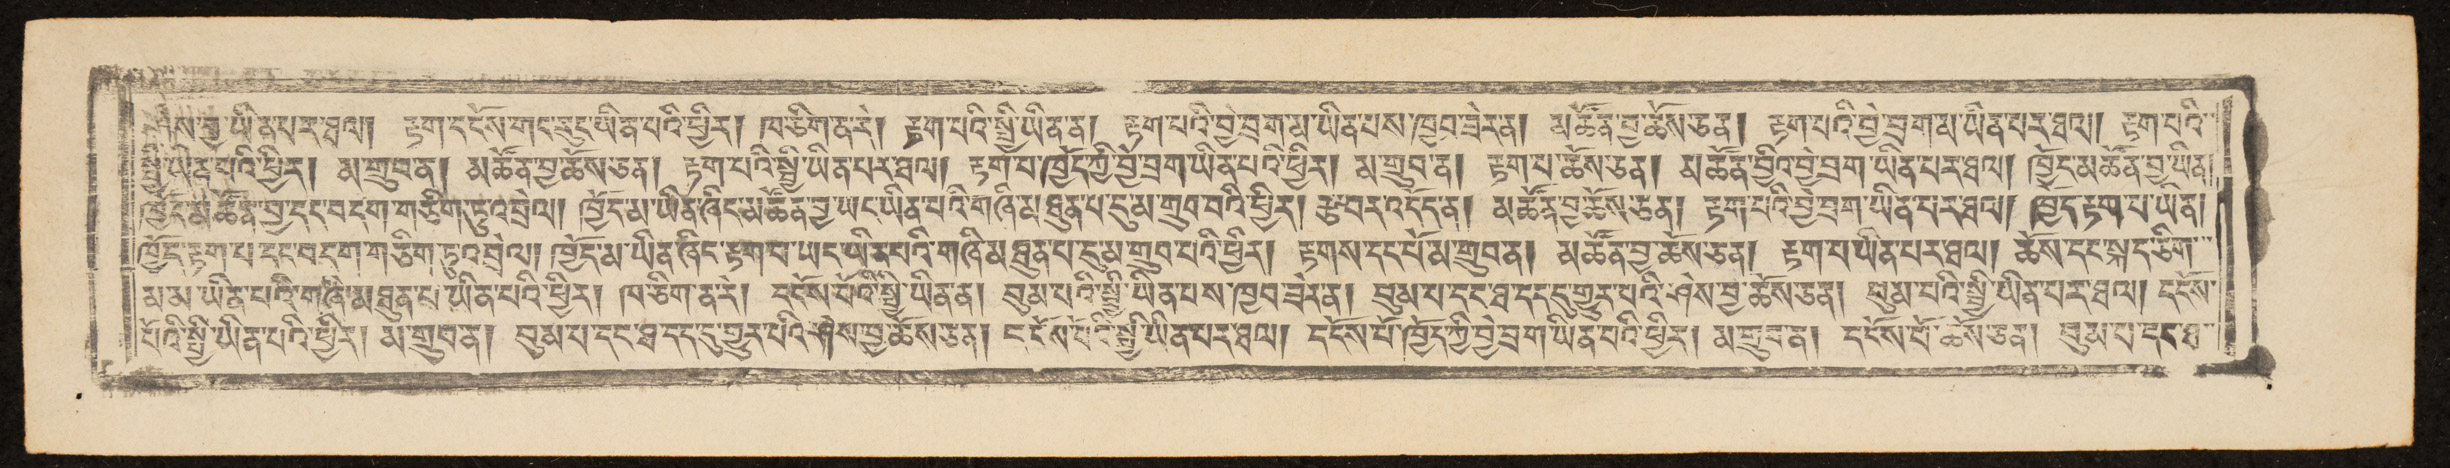ཤེས་བྱ་ཡིན་པར་ཐལ། རྟག་དངོས་གང་རུང་ཡིན་པའི་ཕྱིར། ཁ་ཅིག་ན་རེ། རྟག་པའི་སྤྱི་ཡིན་ན། རྟག་པའི་བྱེ་བྲག་མ་ཡིན་པས་ཁྱབ་ཟེར་ན། མཚོན་བྱ་ཆོས་ཅན། རྟག་པའི་བྱེ་བྲག་མ་ཡིན་པར་ཐལ། རྟག་པའི་
སྤྱི་ཡིན་པའི་ཕྱིར། མ་གྲུབ་ན། མཚོན་བྱ་ཆོས་ཅན། རྟག་པའི་སྤྱི་ཡིན་པར་ཐལ། རྟག་པ་ཁྱོད་ཀྱི་བྱེ་བྲག་ཡིན་པའི་ཕྱིར། མ་གྲུབ་ན། རྟག་པ་ཆོས་ཅན། མཚོན་བྱའི་བྱེ་བྲག་ཡིན་པར་ཐལ། ཁྱོད་མཚོན་བྱ་ཡིན།
ཁྱོད་མཚོན་བྱ་དང་བདག་གཅིག་ཏུ་འབྲེལ། ཁྱོད་མ་ཡིན་ཞིང་མཚོན་བྱ་ཡང་ཡིན་པའི་གཞི་མཐུན་པ་དུ་མ་གྲུབ་པའི་ཕྱིར། རྩ་བར་འདོད་ན། མཚོན་བྱ་ཆོས་ཅན། རྟག་པའི་བྱེ་བྲག་ཡིན་པར་ཐལ། ཁྱོད་རྟག་པ་ཡིན།
ཁྱོད་རྟག་པ་དང་བདག་གཅིག་ཏུ་འབྲེལ། ཁྱོད་མ་ཡིན་ཞིང་རྟག་པ་ཡང་ཡིན་པའི་གཞི་མཐུན་པ་དུ་མ་གྲུབ་པའི་ཕྱིར། རྟགས་དང་པོ་མ་གྲུབ་ན། མཚོན་བྱ་ཆོས་ཅན། རྟག་པ་ཡིན་པར་ཐལ། ཆོས་དང་སྐད་ཅིག་
མ་མ་ཡིན་པའི་གཞི་མཐུན་པ་ཡིན་པའི་ཕྱིར། ཁ་ཅིག་ན་རེ། དངོས་པོའི་སྤྱིན་ཡིན་ན། བུམ་པའི་སྤྱི་ཡིན་པས་ཁྱབ་ཟེར་ན། བུམ་པ་དང་ཐ་དད་དུ་གྱུར་པའི་ཤེས་བྱ་ཆོས་ཅན། བུམ་པའི་སྤྱི་ཡིན་པར་ཐལ། དངོས་
པོའི་སྤྱི་ཡིན་པའི་ཕྱིར། མ་གྲུབ་ན། བུམ་པ་དང་ཐ་དད་དུ་གྱུར་པའི་ཤེས་བྱ་ཆོས་ཅན། དངོས་པོའི་སྤྱི་ཡིན་པར་ཐལ། དངོས་པོ་ཁྱོད་ཀྱི་བྱེ་བྲག་ཡིན་པའི་ཕྱིར། མ་གྲུབ་ན། དངོས་པོ་ཆོས་ཅན། བུམ་པ་དང་ཐ་